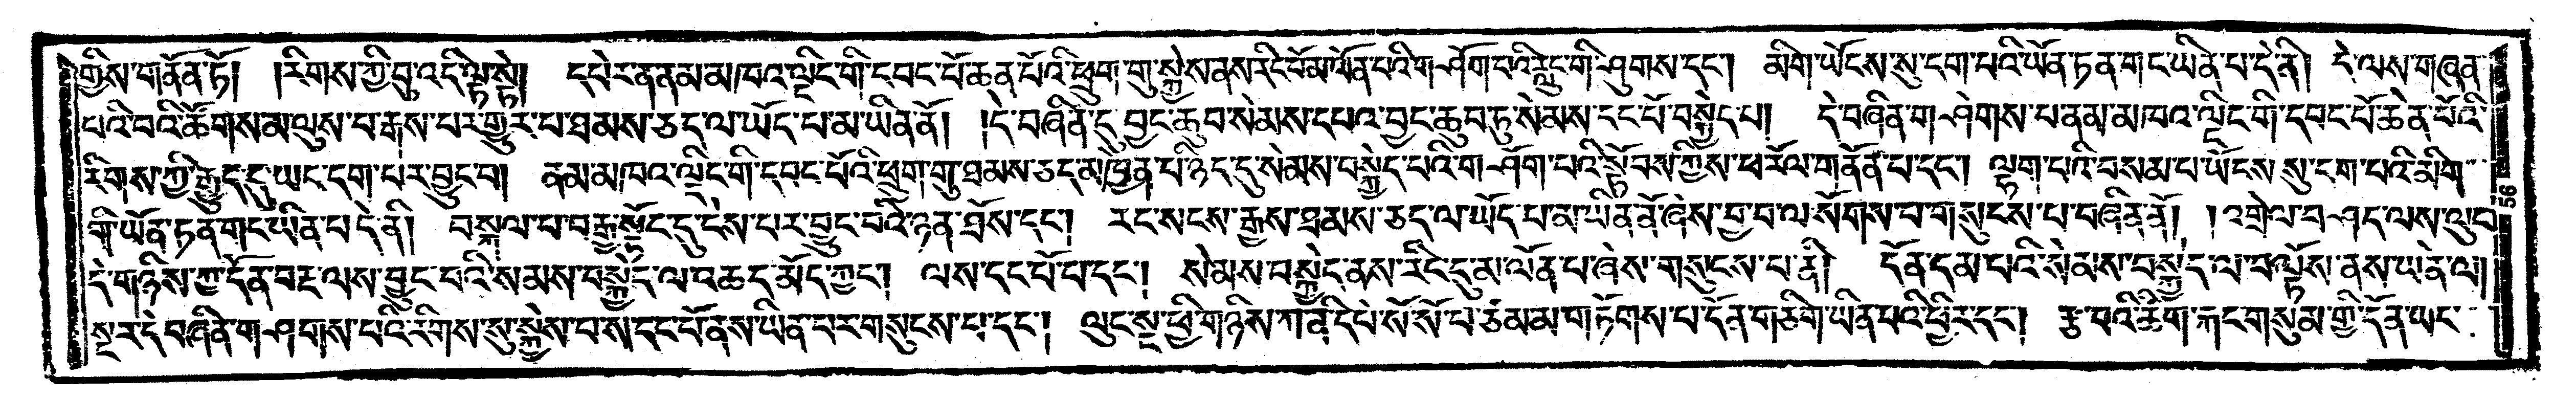གྱིས་གནོན་ཏོ། །རིགས་ཀྱི་བུ་འདི་ལྟ་སྟེ། དཔེར་ན་ནམ་མཁའ་ལྡིང་གི་དབང་པོ་ཆེན་པོའི་ཕྲུག་གུ་སྐྱེས་ནས་རིང་པོ་མ་ལོན་པའི་གཤོག་པའི་རླུང་གི་ཤུགས་དང་། མིག་ཡོངས་སུ་དག་པའི་ཡོན་ཏན་གང་ཡིན་པ་དེ་ནི། དེ་ལས་གཞན་
པའི་བྱའི་ཚོགས་མ་ལུས་པ་རྒས་པར་གྱུར་པ་ཐམས་ཅད་ལ་ཡོད་པ་མ་ཡིན་ནོ། །དེ་བཞིན་དུ་བྱང་ཆུབ་སེམས་དཔའ་བྱང་ཆུབ་ཏུ་སེམས་དང་པོ་བསྐྱེད་པ། དེ་བཞིན་གཤེགས་པ་ནམ་མཁའ་ལྡིང་གི་དབང་པོ་ཆེན་པོའི་
རིགས་ཀྱི་རྒྱུད་དུ་ཡང་དག་པར་བྱུང་བ། ནམ་མཁའ་ལྡིང་གི་དབང་པོའི་ཕྲུག་གུ་ཐམས་ཅད་མཁྱེན་པ་ཉིད་དུ་སེམས་བསྐྱེད་པའི་གཤོག་པའི་སྟོབས་ཀྱིས་ཕ་རོལ་གནོན་པ་དང་། ལྷག་པའི་བསམ་པ་ཡོངས་སུ་དག་པའི་མིག་
གི་ཡོན་ཏན་གང་ཡིན་པ་དེ་ནི། བསྐལ་པ་བརྒྱ་སྟོང་དུ་ངེས་པར་བྱུང་བའི་ཉན་ཐོས་དང་། རང་སངས་རྒྱས་ཐམས་ཅད་ལ་ཡོད་པ་མ་ཡིན་ནོ་ཞེས་བྱ་བ་ལ་སོགས་པ་གསུངས་པ་བཞིན་ནོ། །འགྲེལ་བཤད་ལས་ལུང་
དེ་གཉིས་ཀྱི་དོན་བརྡ་ལས་བྱུང་བའི་སེམས་བསྐྱེད་ལ་འཆད་མོད་ཀྱང་། ལས་དང་པོ་པ་དང་། སེམས་བསྐྱེད་ནས་རིང་དུ་མ་ལོན་པ་ཞེས་གསུངས་པ་ནི། དོན་དམ་པའི་སེམས་བསྐྱེད་ལ་བལྟོས་ནས་ཡིན་ལ།
སྔར་དེ་བཞིན་གཤེགས་པའི་རིགས་སུ་སྐྱེས་པ་ས་དང་པོ་ནས་ཡིན་པར་གསུངས་པ་དང་། ལུང་སྔ་ཕྱི་གཉིས་ཀ་ནི་དཔེ་སོ་སོ་བ་ཙམ་མ་གཏོགས་པ་དོན་གཅིག་ཡིན་པའི་ཕྱིར་དང་། རྩ་བའི་ཚིག་རྐང་གསུམ་གྱི་དོན་ཡང་